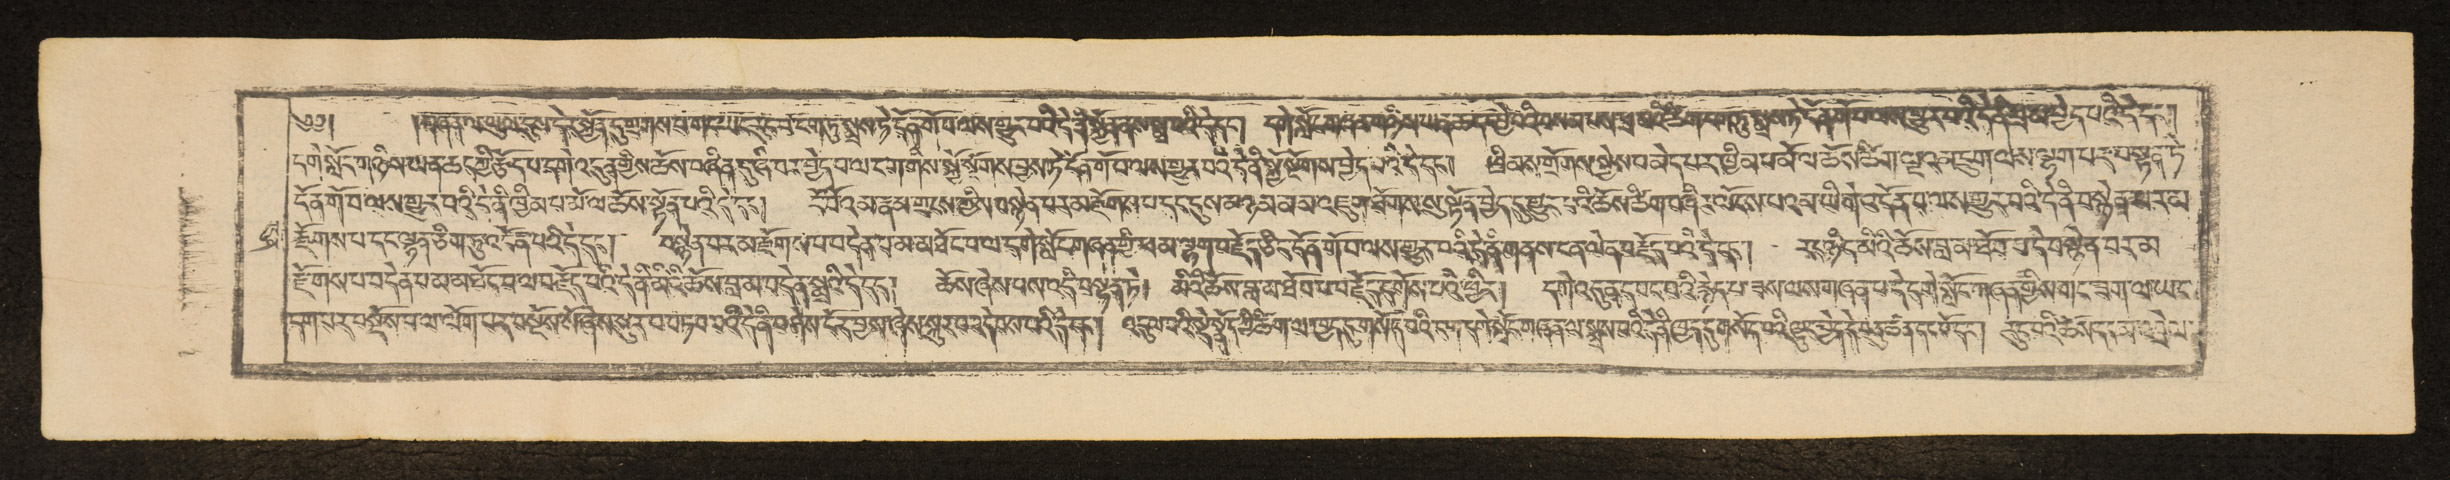༄༅། །གཞན་ལ་ཡུལ་དུས་དེར་སྐྱོན་དུ་གྲགས་པ་གང་ཡང་རུང་བ་ངག་ཏུ་སྨྲས་ཏེ་དོན་གོ་བ་ལས་གྱུར་བའི་དེ་ནི་སྐྱོན་ནས་སྨྲ་བའི་དེ་དང་། དགེ་སློང་གཞན་གཉིས་ཡན་ཆད་དབྱེ་བའི་བསམ་པས་ཕྲ་མའི་ཚིག་དག་ཏུ་སྨྲས་ཏེ་དོན་གོ་པ་ལས་གྱུར་བའི་དེ་ནི་ཕྲ་མ་བྱེད་པའི་དེ་དང་།
དགེ་སློང་གཉིས་ཡན་ཆད་ཀྱི་རྩོད་པ་དགེ་འདུན་གྱིས་ཆོས་བཞིན་དུ་ཞི་བར་བྱེད་པ་ལ་ངག་གིས་སྐྱོ་སྔོགས་བྱས་ཏེ་དོན་གོ་བ་ལས་གྱུར་བའི་དེ་ནི་སྐྱོ་སྔོགས་བྱེད་པའི་དེ་དང་། ཁྲིམས་གྲོགས་སྐྱེས་པ་མེད་པར་ཁྱིམ་པ་མོ་ལ་ཆོས་ཚིག་ལྔའམ་དྲུག་ལས་ལྷག་པར་བསྟན་ཏེ་
དོན་གོ་བ་ལས་གྱུར་བའི་དེ་ནི་ཁྱིམ་པ་མོ་ལ་ཆོས་སྟོན་པའི་དེ་དང་། ངོ་བོའམ་རྣམ་གྲངས་ཀྱིས་བསྙེན་པར་མ་རྫོགས་པ་དང་དུས་མཉམ་མས་འཇུག་ཐོགས་སུ་སྟོན་བྱེད་དུ་གྱུར་བའི་ཆོས་ཚིག་བཞིར་ལོངས་བའམ་ཡི་གེ་འདིན་བ་ལས་གྱུར་བའི་དེ་ནི་བསྙེན་པར་མ་
རྫོགས་པ་དང་ལྷན་ཅིག་ཏུ་འདོན་པའི་དེ་དང་། བསྙེན་པར་མ་རྫོགས་པ་བདེན་པ་མ་མཐོང་བ་ལ་དགེ་སློང་གཞན་གྱི་ཕམ་ལྷག་བརྗོད་ཅིང་དོན་གོ་བ་ལས་གྱུར་བའི་དེ་ནི་གནས་ངན་ལེན་བརྗོད་པའི་དེ་དང་། རང་ཉིད་མིའི་ཆོས་བླ་མ་ཐོབ་པ་དེ་བསྙེན་པར་མ་
རྫོགས་པ་བདེན་པ་མ་མཐོང་བ་ལ་བརྗོད་པའི་དེ་ནི་མིའི་ཆོས་བླ་མ་བདེན་སྨྲའི་དེ་དང་། ཆོས་ཞེས་པས་འདི་བསྟན་ཏེ། མིའི་ཆོས་བླ་མ་ཐོབ་པ་བརྗོད་དགོས་པའི་ཕྱིར། དགེ་འདུན་དབང་བའི་རྙེད་པ་ཟས་ལས་གཞན་པ་དེ་དགེ་སློང་གཞན་གྱིས་གང་ཟག་ལ་ཡང་
དག་པར་བསྔོས་པ་ལ་ལོག་པར་བསྔོས་སོ་ཞེས་སྐུར་བ་བཏབ་པའི་དེ་ནི་བཤེས་ངོར་བྱས་ཞེས་སྐུར་བ་འདེབས་པའི་དེ་དང་། འདུལ་བའི་སྡེ་སྣོད་ཀྱི་ཚིག་ལ་ཁྱད་དུ་གསོད་པའི་ངག་དགེ་སློང་གཞན་ལ་སྨྲས་པའི་དེ་ནི་ཁྱད་དུ་གསོད་པའི་ལྟུང་བྱེད་དེ་བཅུ་ཚན་དང་པོ་དང་། རུང་བའི་ཆོས་དང་མ་འབྲེལ་